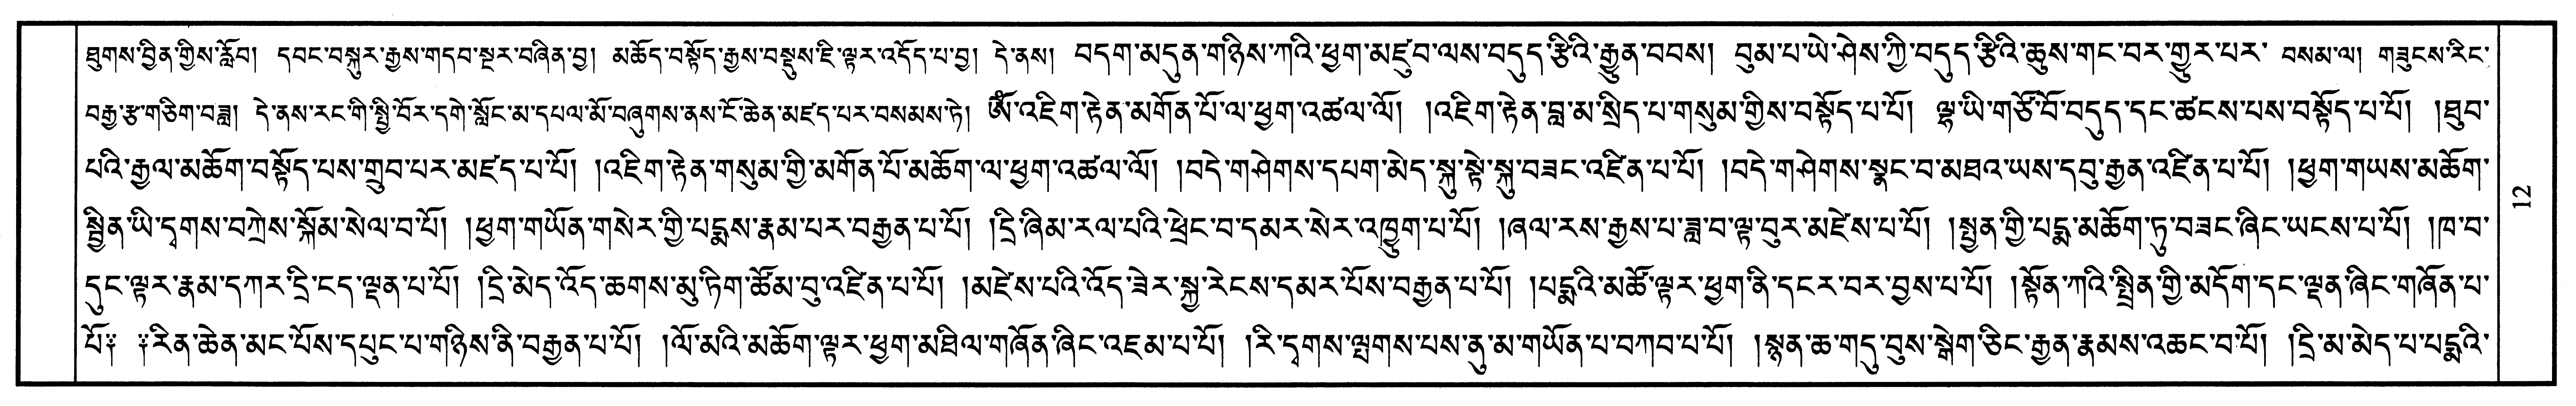ཐུགས་བྱིན་གྱིས་རློབ། དབང་བསྐུར་རྒྱས་གདབ་སྔར་བཞིན་བྱ། མཆོད་བསྟོད་རྒྱས་བསྡུས་ཇི་ལྟར་འདོད་པ་བྱ། དེ་ནས། བདག་མདུན་གཉིས་ཀའི་ཕྱག་མཛུབ་ལས་བདུད་རྩིའི་རྒྱུན་བབས། བུམ་པ་ཡེ་ཤེས་ཀྱི་བདུད་རྩིའི་ཆུས་གང་བར་གྱུར་པར་བསམ་ལ། གཟུངས་རིང་
བརྒྱ་རྩ་གཅིག་བཟླ། དེ་ནས་རང་གི་སྤྱི་བོར་དགེ་སློང་མ་དཔལ་མོ་བཞུགས་ནས་ངོ་ཆེན་མཛད་པར་བསམས་ཏེ། ཨོཾ་འཇིག་རྟེན་མགོན་པོ་ལ་ཕྱག་འཚལ་ལོ། །འཇིག་རྟེན་བླ་མ་སྲིད་པ་གསུམ་གྱིས་བསྟོད་པ་པོ། ལྷ་ཡི་གཙོ་བོ་བདུད་དང་ཚངས་པས་བསྟོད་པ་པོ། །ཐུབ་
པའི་རྒྱལ་མཆོག་བསྟོད་པས་གྲུབ་པར་མཛད་པ་པོ། །འཇིག་རྟེན་གསུམ་གྱི་མགོན་པོ་མཆོག་ལ་ཕྱག་འཚལ་ལོ། །བདེ་གཤེགས་དཔག་མེད་སྐུ་སྟེ་སྐུ་བཟང་འཛིན་པ་པོ། །བདེ་གཤེགས་སྣང་བ་མཐའ་ཡས་དབུ་རྒྱན་འཛིན་པ་པོ། །ཕྱག་གཡས་མཆོག་
སྦྱིན་ཡི་དྭགས་བཀྲེས་སྐོམ་སེལ་བ་པོ། །ཕྱག་གཡོན་གསེར་གྱི་པདམས་རྣམ་པར་བརྒྱན་པ་པོ། །དྲི་ཞིམ་རལ་པའི་ཕྲེང་བ་དམར་སེར་འཁྱུག་པ་པོ། །ཞལ་རས་རྒྱས་པ་ཟླ་བ་ལྟ་བུར་མཛེས་པ་པོ། །སྤྱན་གྱི་པདམ་མཆོག་ཏུ་བཟང་ཞིང་ཡངས་པ་པོ། །ཁ་བ་
དུང་ལྟར་རྣམ་དཀར་དྲི་ངད་ལྡན་པ་པོ། །དྲི་མེད་འོད་ཆགས་མུ་ཏིག་ཚོམ་བུ་འཛིན་པ་པོ། །མཛེས་པའི་འོད་ཟེར་སྐྱ་རེངས་དམར་པོས་བརྒྱན་པ་པོ། །པདམའི་མཚོ་ལྟར་ཕྱག་ནི་དངར་བར་བྱས་པ་པོ། །སྟོན་ཀའི་སྤྲིན་གྱི་མདོག་དང་ལྡན་ཞིང་གཞོན་པ་
པོ༑ ༑རིན་ཆེན་མང་པོས་དཔུང་པ་གཉིས་ནི་བརྒྱན་པ་པོ། །ལོ་མའི་མཆོག་ལྟར་ཕྱག་མཐིལ་གཞོན་ཞིང་འཇམ་པ་པོ། །རི་དྭགས་ལྤགས་པས་ནུ་མ་གཡོན་པ་བཀབ་པ་པོ། །སྙན་ཆ་གདུ་བུས་སྒེག་ཅིང་རྒྱན་རྣམས་འཆང་བ་པོ། །དྲི་མ་མེད་པ་པདམའི་